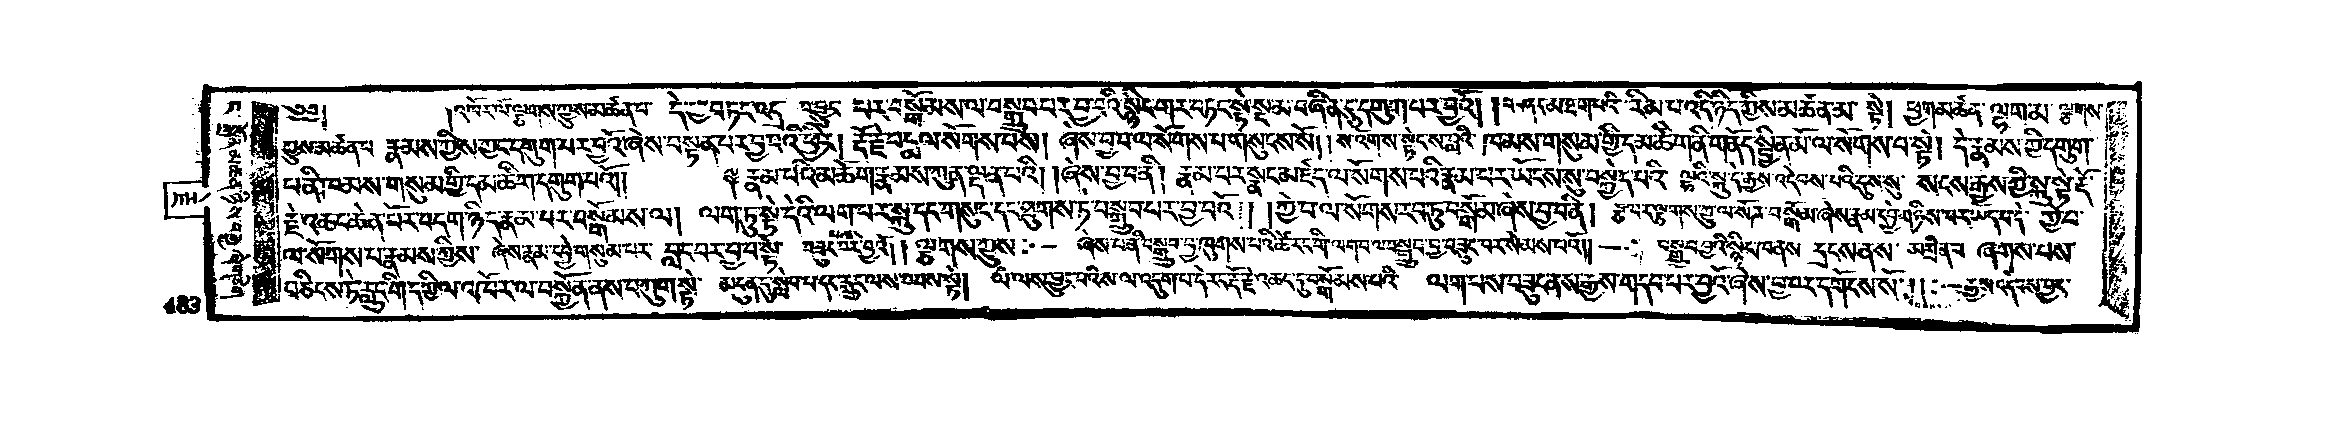༄༅། །འཁོར་ལོ་ལྕགས་ཀྱུས་མཚན་པ་དེ་ཀྱོ་བཏང་འདྲ་བ་བྱུང་བར་བསྒོམས་ལ་བསྒྲུབ་པར་བྱ་བའི་སྙིང་གར་བཏང་སྟེ་སྔ་མ་བཞིན་དུ་དགུག་པར་བྱའོ། །བཤད་མ་ཐག་པའི་རིམ་པ་འདི་ཉིད་ཀྱིས་མཚན་མ་སྟེ། ཕྱག་མཚན་ལྷག་མ་ལྕགས་
ཀྱུས་མཚན་པ་རྣམས་ཀྱིས་ཀྱང་དགུག་པར་བྱའོ་ཞེས་བསྟན་པར་བྱ་བའི་ཕྱིར། རྡོ་རྗེ་པདམ་ལ་སོགས་པས། ཞེས་བྱ་བ་ལ་སོགས་པ་གསུངས་སོ། །ས་འོག་ས་སྟེང་ས་བླའི་ཁམས་གསུམ་གྱི་དམ་ཚིག་ནི་གནོད་སྦྱིན་མོ་ལ་སོགས་པ་སྟེ། དེ་རྣམས་ཀྱི་དགུག་
པ་ནི་ཁམས་གསུམ་གྱི་དམ་ཚིག་དགུག་པའོ།། ༈ རྣམ་པའི་མཆོག་རྣམས་ཀུན་ལྡན་པའི། །ཞེས་བྱ་བ་ནི། རྣམ་པར་སྣང་མཛད་ལ་སོགས་པའི་རྣམ་པར་ཡོངས་སུ་བསྐྱེད་པའི་ལྷའི་སྐུ་དེ་རྒྱས་འདེབས་པའི་དུས་སུ་སངས་རྒྱས་ཀྱི་སྐུ་སྟེ་རྡོ་
རྗེ་འཆང་ཆེན་པོར་བདག་ཉིད་རྣམ་པར་བསྒོམས་ལ། ལག་ཏུ་སྟེ་དེའི་ལག་པར་སྐུ་དང་གསུང་དང་ཐུགས་ཏེ་བསྒྲུབ་པར་བྱ་བའོ། །ཀྱོ་བ་ལ་སོགས་རབ་ཏུ་བསྒོམ་ཞེས་བྱ་བ་ནི། རྩ་བར་ལྕགས་ཀྱུ་ལ་སོགས་བསྒོམ་ཞེས་རྣམ་དབྱེ་གཉིས་པར་ཡོད་པ་དེ་ཀྱོ་བ་
ལ་སོགས་པ་རྣམས་ཀྱིས་ཞེས་རྣམ་དབྱེ་གསུམ་པར་བླང་བར་བྱ་སྟེ་པ་ཚབ་བཟུང་བར་བྱའོ། །ལྕགས་ཀྱུས་ཞེས་པ་ནི་བསྒྲུབ་བྱ་ཁུགས་པའི་ཚེ་རང་གི་ལག་པ་ལ་བསྒྲུབ་བྱ་བཟུང་བར་སེམས་པའོ།། བསྒྲུབ་བྱའི་སྙིང་ཁ་ནས་དྲངས་ནས་མགྲིན་པ་ཞགས་པས་
བཅིངས་ཏེ་རླུང་གི་དཀྱིལ་འཁོར་ལ་བསྐྱོན་ནས་བཀུག་སྟེ་མདུན་དུ་སླེབ་པ་དང་རླུང་ལས་བབས་སྟེ། ལཾ་ལས་བྱུང་བའི་ས་ལ་འདུག་པ་དེ་རང་རྡོ་རྗེ་འཆང་དུ་བསྒོམས་པའི་ལག་པས་བཟུང་ནས་རྒྱས་གདབ་པར་བྱའོ་ཞེས་བྱ་བར་དགོངས་སོ།། རྒྱས་འདེབས་བྱེད་